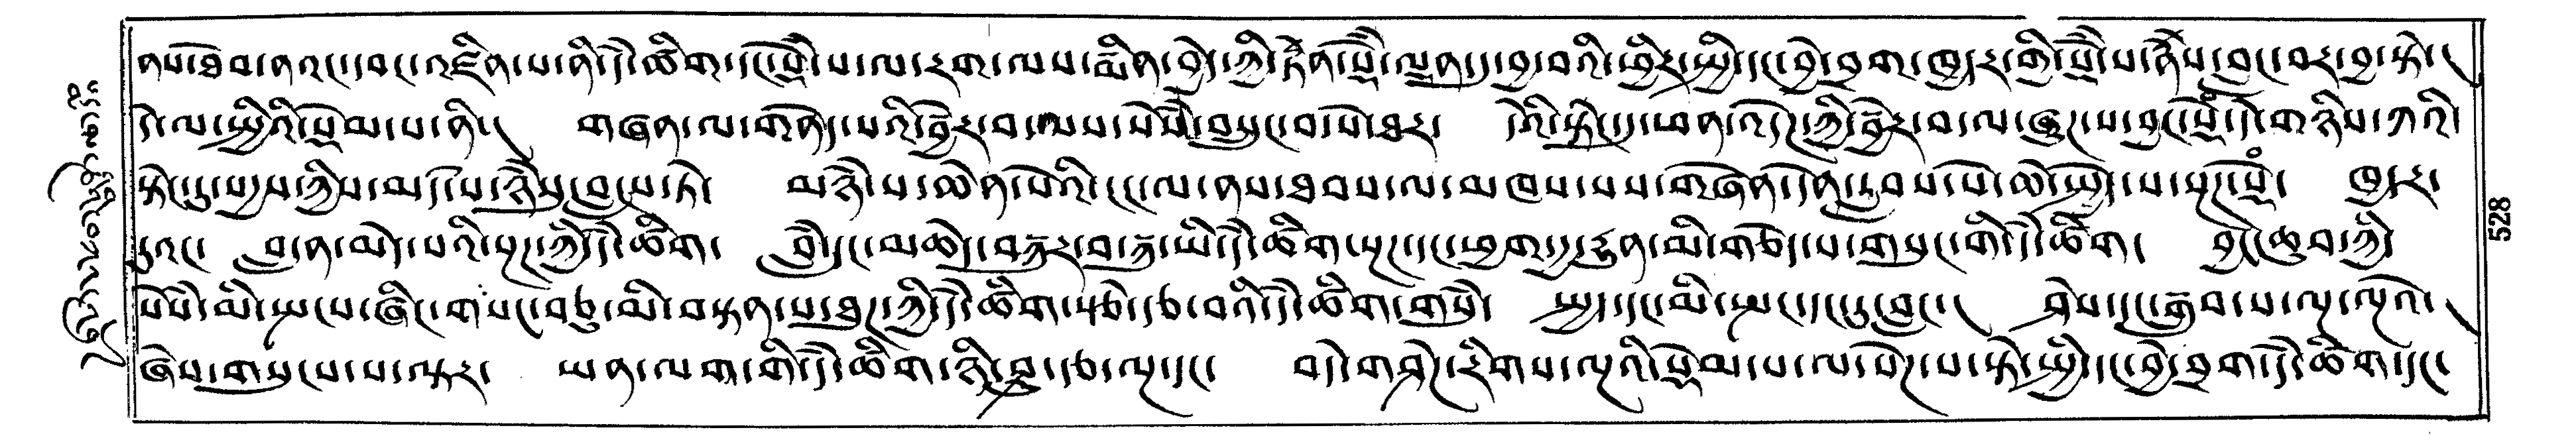ནས་ཐོབ་ནའང་དབང་འཛིན་པ་ནི་དམ་ཚིག་དང་སྡོམ་པ་ལ་རག་ལས་པས་སྨིན་བྱེད་ཀྱི་རྟེན་སྡོམ་ལྡན་དུ་བྱ་བའི་ཕྱིར་སྤྱི་དང་བྱེ་བྲག་ཁྱད་པར་གྱི་སྡོམ་པ་རྣམས་བླང་བར་བྱ་སྟེ། 
དེ་ལ་སྤྱིའི་སྡོམ་པ་ནི། གཞན་ལ་གནོད་པའི་སྦྱོར་བ་ལས་སེམས་སྲུང་བ་སོ་ཐར། དེའི་སྟེང་དུ་ཕན་འདོགས་ཀྱི་སྦྱོར་བ་ལ་ཞུགས་པ་བྱང་སྡོམ་དེ་གཉིས་ཀའི་
སྟེང་དུ་སངས་རྒྱས་ཀྱི་མཛད་པ་ཉམས་སུ་བླངས་ཏེ། མཉམ་པ་ཆེན་པོའི་ངང་ནས་ཐབས་ལ་མཁས་པས་གཞན་དོན་རླབས་པོ་ཆེ་སྤྱོད་པ་སྔགས་སྡོམ། ཁྱད་པར་
དུའང་། བླ་ན་མེད་པའི་སྔགས་ཀྱི་དམ་ཚིག བླ་མ་དང་མཆེད་བསྐུར་བ་སྐུའི་དམ་ཚིག་སྔགས་དང་ཕྱག་རྒྱ་རྒྱུན་མི་གཅོད་པ་གསུང་གི་དམ་ཚིག བྱང་ཆུབ་ཀྱི་
སེམས་མི་སྤང་ཞིང་གསང་བཅུ་མི་བསྟན་པ་ཐུགས་ཀྱི་དམ་ཚིག་སྟེ་རྩ་བའི་དམ་ཚིག་གསུམ། སྤྱད་དང་མི་སྤང་དང་དུ་བླང་། །ཤེས་དང་སྒྲུབ་པ་ལྔ་ལྔའོ། །
ཞེས་གསུངས་པ་ལྟར། ཡན་ལག་གི་དམ་ཚིག་ཉི་ཤུ་རྩ་ལྔ་དང་། བདེ་གཤེགས་རིགས་ལྔའི་སྡོམ་པ་ལ་སོགས་པ་སྟེ་སྤྱི་དང་བྱེ་བྲག་གི་དམ་ཚིག་དང་